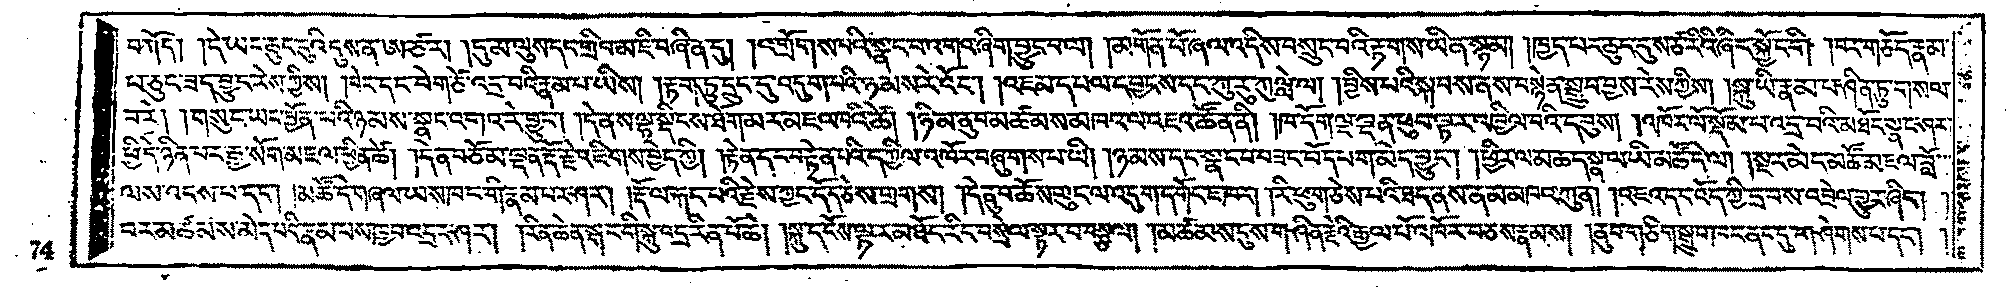བཀོད། །དེ་ཡང་ཆུང་ངུའི་དུས་ན་ཨ་ཙ་ར། །དུ་མ་ལུས་དང་གྲིབ་མ་ཇི་བཞིན་དུ། །འགྲོགས་པའི་སྣང་བ་འགའ་ཞིག་བྱུང་བ་ལ། །མགོན་པོ་ཞལ་འདིས་བསྲུང་བའི་རྟགས་ཡིན་སྙམ། །ཁྱད་པར་ཆུང་དུས་ཙ་རིའི་ཞིང་སྐྱོང་གི །བར་གཅོད་རྣམ་
པ་ཅུང་ཟད་བྱུང་རེས་ཀྱིས། །བེང་དང་བེག་ཙེ་འདྲ་བའི་རྣམ་པ་ཡིས། །རྟག་ཏུ་དྲུང་དུ་འདུག་པའི་ཉམས་རེ་འོང་། །འཇམ་དཔལ་དབྱངས་དང་ཀུ་རུ་ཀུལླེ་ལ། །བྱིས་པའི་སྐབས་ནས་བསྙེན་སྒྲུབ་བྱས་རེས་ཀྱིས། །སྐུ་ཡི་རྣམ་པ་ཤིན་ཏུ་གསལ་
བ་རེ། །གསུང་ཡང་བྱོན་པའི་ཉམས་སྣང་འགའ་རེ་བྱུང་། །དེ་ནས་ལྷ་སྡིངས་ཐོག་མར་མཇལ་བའི་ཚེ། །ཉི་མ་ནུབ་མཚམས་མཁའ་ལ་འཇའ་ཚོན་ནི། །ཁ་དོག་ལྔ་ལྡན་ཕུབ་ལྟར་འཁྱིལ་བའི་དབུས། །འཁོར་ལོ་སྡོམ་པ་འདྲ་བའི་མཐོང་སྣང་ཤར་
ཕྱི་དེ་ཉིན་པར་རྒྱ་སོག་མཇལ་ཕྱིན་ཚེ། །དེ་ན་བཅོམ་ལྡན་རྡོ་རྗེ་འཇིགས་བྱེད་ཀྱི། །རྟེན་དང་བརྟེན་པའི་དཀྱིལ་འཁོར་བཞུགས་པ་ཡི། །ཉམས་དང་སྣང་བ་བཟང་པོ་དཔག་མེད་བྱུང་། །ཕྱིར་ལམ་ཆད་སྣ་ལ་ཡི་མཚོ་དེ་ལ། །སྔར་མེད་མཚོ་མཇལ་བློ་
ལས་འདས་པ་དང་། །མཚོ་དེ་གཞལ་ཡས་ཁང་གི་རྣམ་པར་ཤར། །རྡོ་ལ་རྐང་པའི་རྗེས་ཀྱང་དོད་ཅེས་གྲགས། །དེ་ནུབ་ཆོས་ལུང་ལ་འདུག་དགོང་ཇ་ཁར། །རི་ཕུག་ཅེས་པའི་ཐད་ནས་ནམ་མཁའ་ཀུན། །འཇའ་དང་འོད་ཀྱི་དྲ་བས་འབྲེལ་གྱུར་ཞིང་། །
བར་མཚམས་མེད་པའི་རྣམ་པས་ཁྱབ་འདྲར་ཤར། །རིན་ཆེན་སྒང་གི་སྐུ་འདྲ་རིན་པོ་ཆེ། །སྐུ་དངོས་ལྟར་མཐོང་རིང་བསྲེལ་སྟར་བ་བསྩལ། །མཚམས་དུས་གཤིན་རྗེའི་རྒྱལ་པོ་འཁོར་བཅས་རྣམས། །ནུབ་གཅིག་སྒྲུབ་ཁང་ནང་དུ་གཤེགས་པ་དང་།